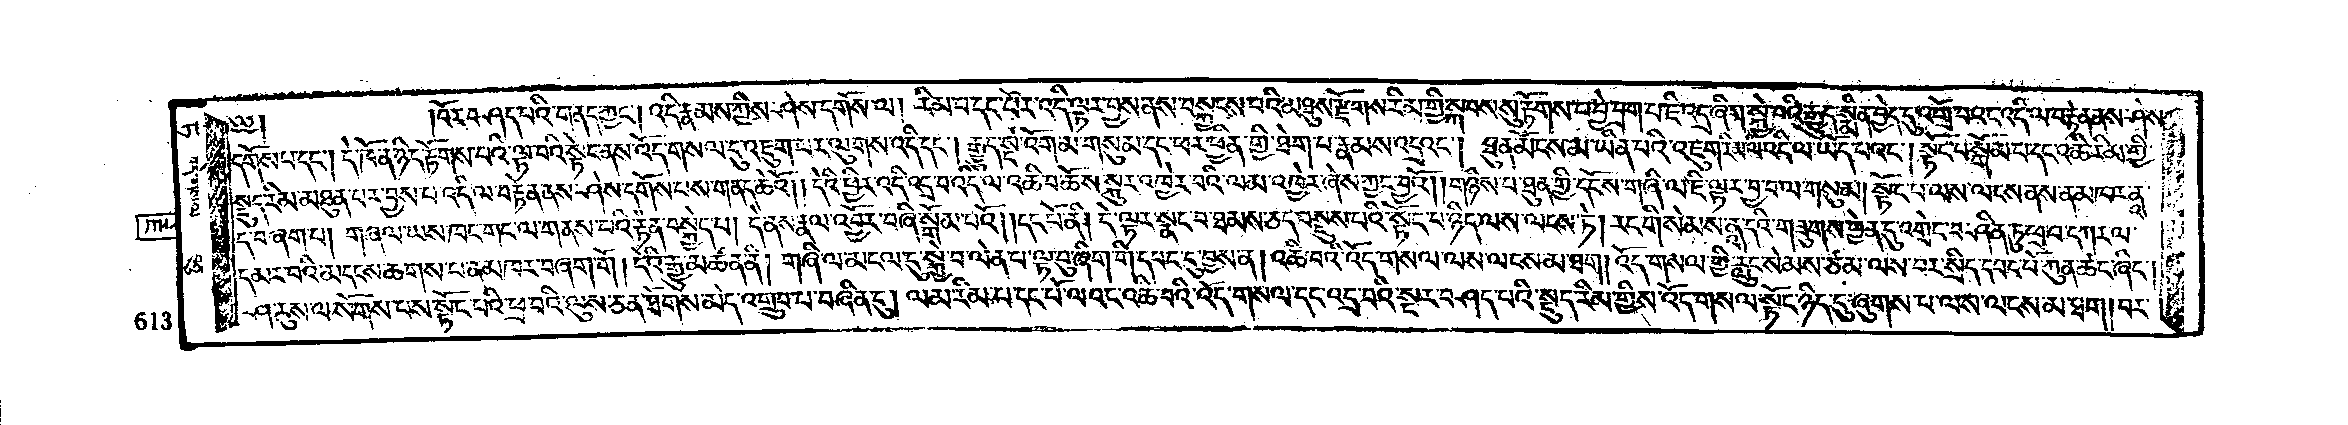༄༅། །པོར་བཤད་པའི་གནད་ཀྱང་། འདི་རྣམས་ཀྱིས་ཤེས་དགོས་ལ། རིམ་པ་དང་པོར་འདི་ལྟར་བྱས་ནས་བསྐྱངས་པའི་མཐུས་རྫོགས་རིམ་གྱི་སྐབས་སུ་རྟོགས་པ་བྱེ་བྲག་པ་ཇི་འདྲ་ཞིག་སྐྱེ་བའི་རྒྱུད་སྨིན་བྱེད་དུ་འགྲོ་བའང་འདི་ལ་བརྟེན་ནས་ཤེས་
དགོས་པ་དང་། དེ་ཁོ་ན་ཉིད་རྟོགས་པའི་ལྟ་བའི་སྟེང་ནས་འོད་གསལ་དུ་འཇུག་པར་ལུགས་འདི་དང་། རྒྱུད་སྡེ་འོག་མ་གསུམ་དང་ཕར་ཕྱིན་གྱི་ཐེག་པ་རྣམས་འདྲའང་། ཐུན་མོངས་མ་ཡིན་པའི་འཇུག་རིམ་ལམ་འདི་ལ་ཡོད་པའང་། སྟོང་པ་སྒོམ་པ་དང་འཆི་རིམ་གྱི་
སྡུད་རིམ་མཐུན་པར་བྱས་པ་འདི་ལ་བརྟེན་ནས་ཤེས་དགོས་པས་གནད་ཆེའོ། །དེའི་ཕྱིར་འདི་འདྲ་བ་འདི་ལ་འཆི་བ་ཆོས་སྐུར་འཁྱེར་བའི་ལམ་འཁྱེར་ཞེས་ཀྱང་བྱའོ། །གཉིས་པ་ཐུན་གྱི་དངོས་གཞི་ལ་ཇི་ལྟར་བྱ་བ་ལ་གསུམ། སྟོང་པ་ལས་ལངས་ནས་ནམ་མཁར་ནཱ་
ད་བཞག་པ། གཞལ་ཡས་ཁང་གང་ལ་གནས་པའི་རྟེན་བསྐྱེད་པ། དེ་ནས་རྣལ་འབྱོར་བཞི་སྒོམ་པའོ། །དང་པོ་ནི། དེ་ལྟར་སྣང་བ་ཐམས་ཅད་བསྡུས་པའི་སྟོང་པ་ཉིད་ལས་ལངས་ཏེ། རང་གི་སེམས་ནཱ་དའི་གཟུགས་གྱེན་དུ་འགྲེང་བ་ཤིན་ཏུ་ཕྲ་བ་དཀར་ལ་
དམར་བའི་མདངས་ཆགས་པ་ནམ་མཁར་བཞག་གོ །དེའི་རྒྱུ་མཚན་ནི། གཞི་ལ་མངལ་དུ་སྐྱེ་བ་ལེན་པ་ལྟ་བུ་ཞིག་གི་དབང་དུ་བྱས་ན། འཆི་བའི་འོད་གསལ་ལས་ལངས་མ་ཐག །འོད་གསལ་གྱི་རླུང་སེམས་ཙམ་ལས་བར་སྲིད་དབང་པོ་ཀུན་ཚང་ཞིང་།
ཤ་རུས་ལ་སོགས་པས་སྟོང་པའི་ཕྲ་བའི་ལུས་ཅན་ཐོགས་མེད་འགྲུབ་པ་བཞིན་དུ། ལམ་རིམ་པ་དང་པོ་ལའང་འཆི་བའི་འོད་གསལ་དང་འདྲ་བའི་སྔར་བཤད་པའི་སྡུད་རིམ་གྱིས་འོད་གསལ་སྟོང་ཉིད་དུ་ཞུགས་པ་ལས་ལངས་མ་ཐག །བར་